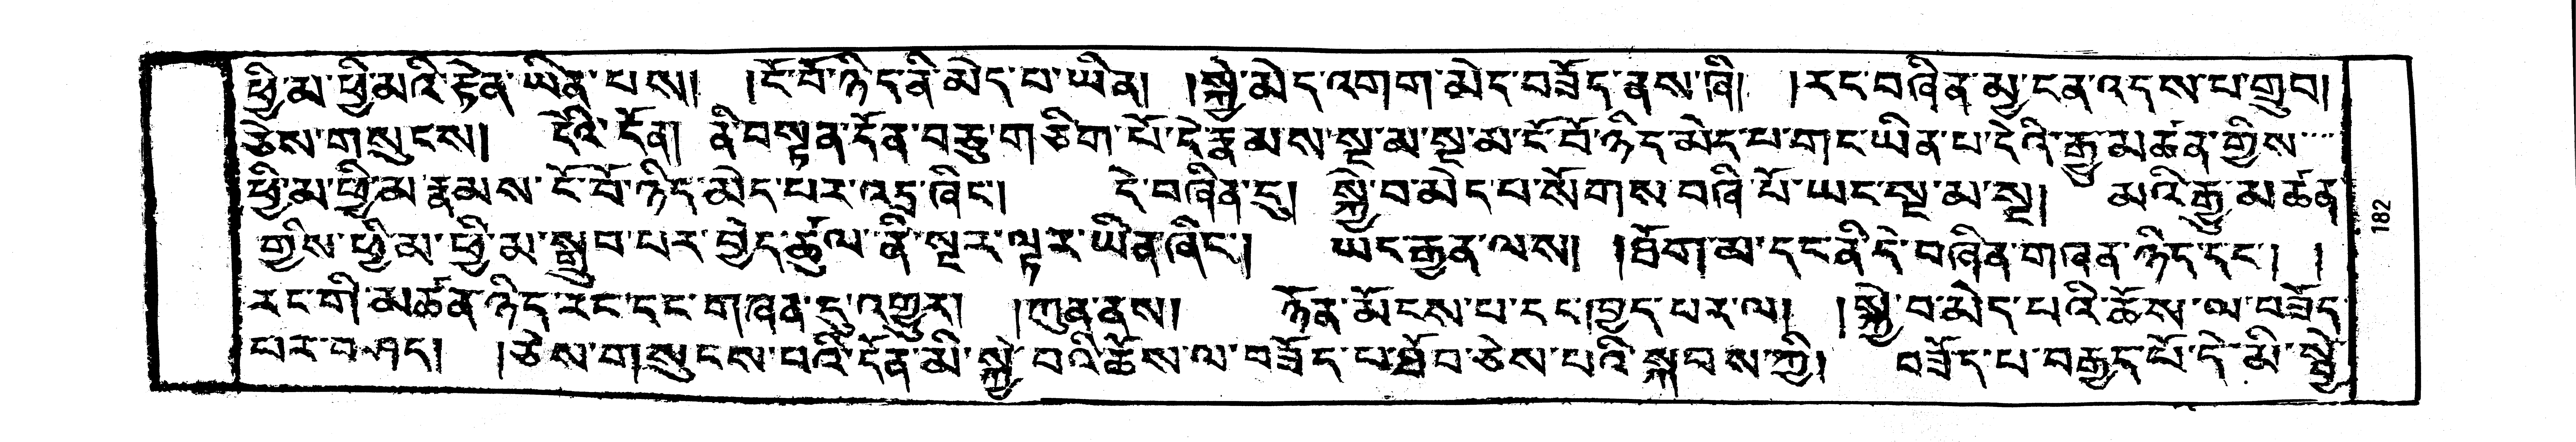ཕྱི་མ་ཕྱི་མའི་རྟེན་ཡིན་པས། །ངོ་བོ་ཉིད་ནི་མེད་པ་ཡིན། །སྐྱེ་མེད་འགག་མེད་བཟོད་ནས་ཞི། །རང་བཞིན་མྱ་ངན་འདས་པ་གྲུབ།
ཅེས་གསུངས། དེའི་དོན། ནི་བསྟན་དོན་བཅུ་གཅིག་པོ་དེ་རྣམས་སྔ་མ་སྔ་མ་ངོ་བོ་ཉིད་མེད་པ་གང་ཡིན་པ་དེའི་རྒྱུ་མཚན་གྱིས་
ཕྱི་མ་ཕྱི་མ་རྣམས་ངོ་བོ་ཉིད་མེད་པར་འདྲ་ཞིང་། དེ་བཞིན་དུ། སྐྱེ་བ་མེད་པ་སོགས་བཞི་པོ་ཡང་སྔ་མ་སྔ། མའི་རྒྱུ་མཚན་
གྱིས་ཕྱི་མ་ཕྱི་མ་སྒྲུབ་པར་བྱེད་ཚུལ་ནི་སྔར་ལྟར་ཡིན་ཞིང་། ཡང་རྒྱན་ལས། །ཐོག་མ་དང་ནི་དེ་བཞིན་གཞན་ཉིད་དང་། །
རང་གི་མཚན་ཉིད་རང་དང་གཞན་དུ་འགྱུར། །ཀུན་ནས། ཉོན་མོངས་པ་དང་ཁྱད་པར་ལ། །སྐྱེ་བ་མེད་པའི་ཆོས་ལ་བཟོད་
པར་བཤད། །ཅེས་གསུངས་པའི་དོན་མི་སྐྱེ་བའི་ཆོས་ལ་བཟོད་པ་ཐོབ་ཅེས་པའི་སྐབས་ཀྱི། བཟོད་པ་བརྒྱད་པོ་དེ་མི་སྦྱེ་